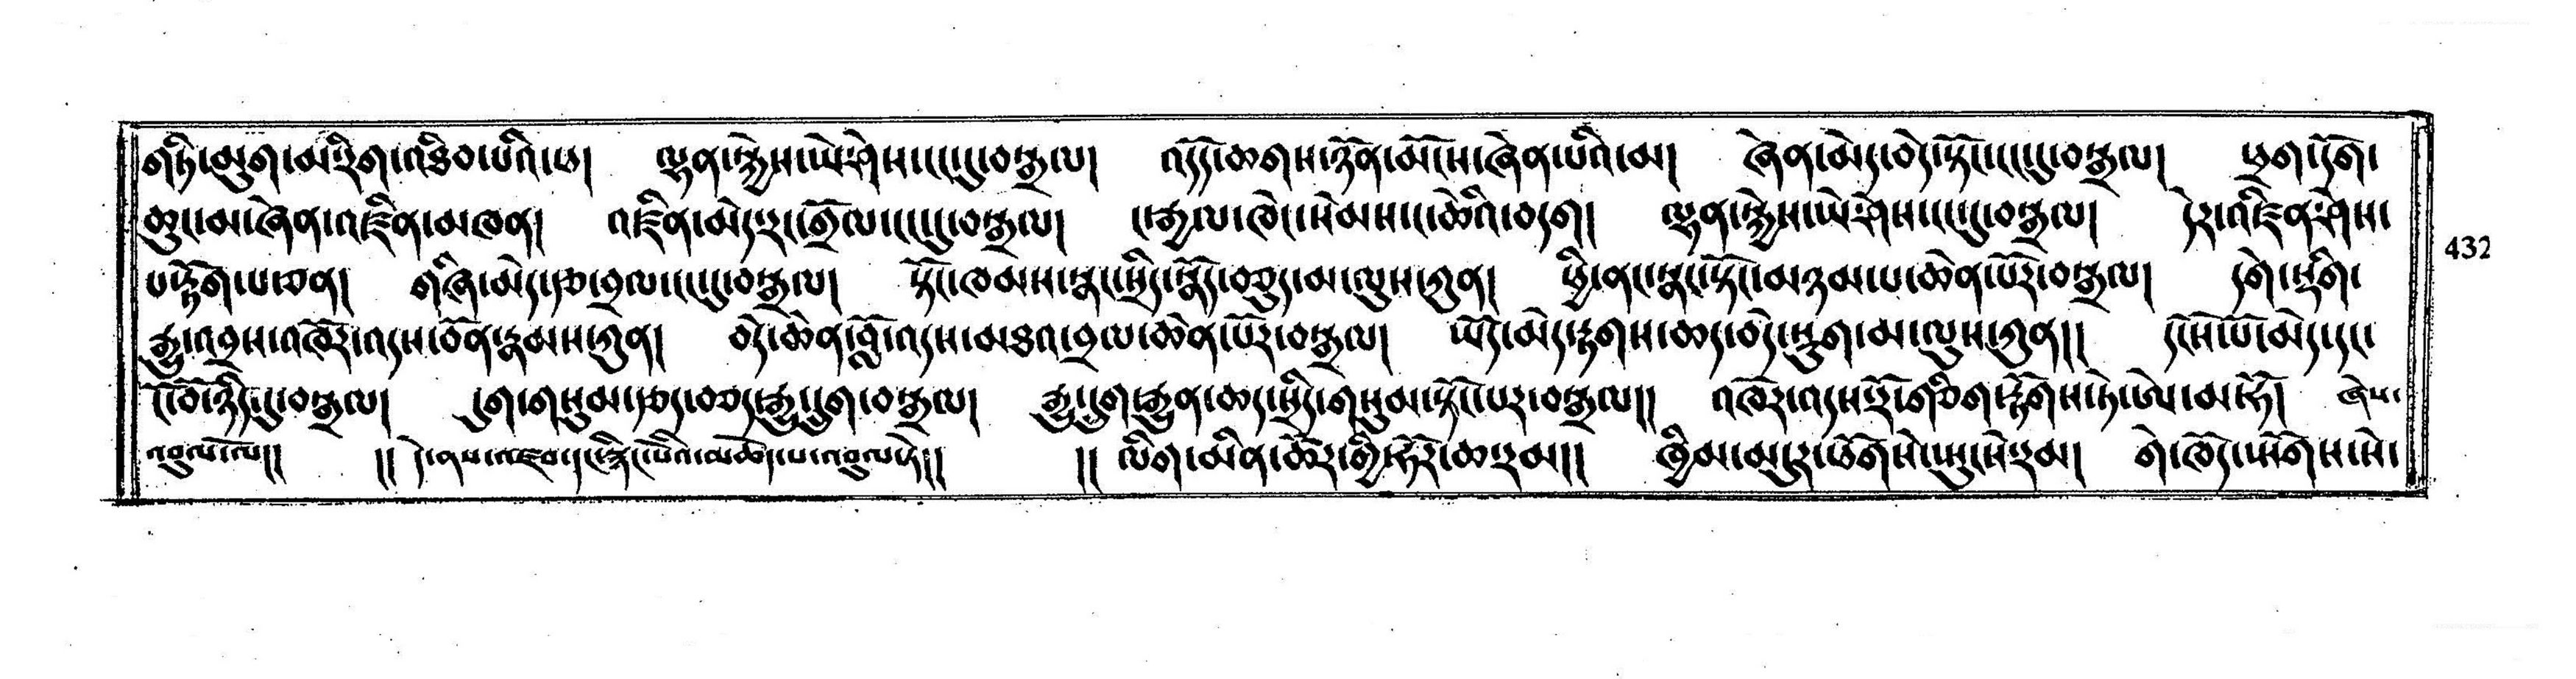གཏི་མུག་མ་རིག་འཐིབ་པའི་ཕ། ལྷན་སྐྱེས་ཡེ་ཤེས་ངང་དུ་བསྒྲལ། འདོད་ཆགས་ཉོན་མོངས་ཞེན་པའི་མ། ཞེན་མེད་བདེ་སྟོང་ངང་དུ་བསྒྲལ། ཕྲག་དོག་
ཆུང་མ་ཞེན་འཛིན་མཁན། འཛིན་མེད་རང་གྲོལ་ངང་དུ་བསྒྲལ། ང་རྒྱལ་ཁེང་སེམས་ང་ཆེའི་བདག ལྷན་སྐྱེས་ཡེ་ཤེས་ངང་དུ་བསྒྲལ། དེར་འཛིན་ཤེས་
པ་རྟོག་པ་ཅན། གཞི་མེད་རྩ་བྲལ་ངང་དུ་བསྒྲལ། སྟོང་ཁམས་སྣང་སྲིད་སྣོད་བཅུད་མ་ལུས་ཀུན། ཕྱི་ནང་སྣང་སྟོང་མཉམ་པ་ཆེན་པོར་བསྒྲལ། དགེ་སྡིག་
རྒྱུ་འབྲས་འཁོར་འདས་བོན་རྣམས་ཀུན། བདེ་ཆེན་བློ་འདས་མཐའ་བྲལ་ཆེན་པོར་བསྒྲལ། ཡོད་མེད་རྟག་ཆད་བདེ་སྡུག་མ་ལུས་ཀུན།། དངོས་པོ་མེད་དང་
ངོ་བོ་ཉིད་དུ་{445}བསྒྲལ། དུག་གསུམ་རྩད་བཅད་རྒྱུ་དྲུག་བསྒྲལ། རྒྱུ་དྲུག་རྒྱུན་ཆད་སྲིད་གསུམ་སྟོང་པར་བསྒྲལ། འཁོར་འདས་རོ་གཅིག་རྟོགས་ཏེ་ཨེ་མ་ཧོ། ཞེས་
འབུལ་ལོ།། །།དེ་ནས་འཛབ་དང་སྙིང་པོའི་མཆོད་པ་འབུལ་ཏེ།། །།ལིག་མིན་ཚར་གྱི་ཧོར་ཆ་རམ།། ཁྱིམ་མདུར་ཕོགས་སེ་སྤུངས་སེ་རམ། གེ་ཁོད་སྤོགས་སེ་